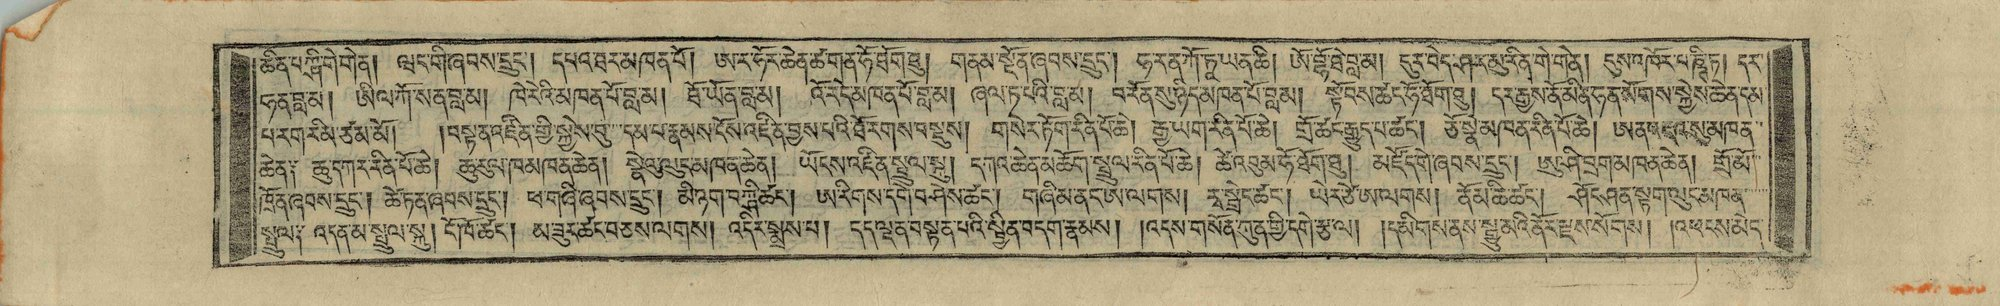ཆིན་པཀྴི་གེ་གེན། ཝང་གི་ཞབས་དྲུང་། དཔའ་ཐར་མཁན་པོ། ཨ་ར་ཧོར་ཆེན་ཚ་གན་ཧོ་ཐོག་ཐུ། གནམ་སྔོན་ཞབས་དྲུང་། ཧ་རན་ཀོ་ཏཱ་ཡན་ཆི། ཨོ་བྷོ་ཐེ་བླ་མ། དུར་བདེ་ཤར་མུ་རིན་གེ་གེན། དུས་འཁོར་པཎྚི་ཏ། དར་
ཧན་བླ་མ། ཨིལ་ཀོ་སན་བླ་མ། ཁེ་རེའི་མཁན་པོ་བླ་མ། ཐོ་ཡོན་བླ་མ། འོ་རེད་མཁན་པོ་བླ་མ། ཞལ་ཏ་པའི་བླ་མ། བ་རོན་སུ་ཉིད་མཁན་པོ་བླ་མ། སྟོབས་ཚང་ཧོ་ཐོག་ཐུ། དར་རྒྱས་ནོ་མིན་ཧན་སོགས་སྐྱེས་ཆེན་དམ་
པ་རག་རིམ་ཙམ་མོ། །བསྟན་འཛིན་གྱི་སྐྱེས་བུ་དམ་པ་རྣམས་ངོས་འཛིན་བྱས་པའི་ཐོ་རགས་བསྡུས། གསེར་ཏོག་རིན་པོ་ཆེ། རྒྱ་ཡག་རིན་པོ་ཆེ། གྲོ་ཚང་རྒྱུད་པ་ཚང་། ཅོ་སྣེ་མཁན་རིན་པོ་ཆེ། ཨན་འཇའ་སུ་མཁན་
ཆེན༑ ཆུ་དཀར་རིན་པོ་ཆེ། ཆུ་རུལ་ཁ་མཁན་ཆེན། སྣེའུ་ལུང་མཁན་ཆེན། ཡོངས་འཛིན་སྤྲུལ་སྐུ། དཀའ་ཆེན་མཆོག་སྤྲུལ་རིན་པོ་ཆེ། ཚེ་འབུམ་ཧོ་ཐོག་ཐུ། མཛོད་གེ་ཞབས་དྲུང་། ཨུ་ཤི་བྲག་མཁན་ཆེན། གྲོ་མོ་
ཁྲོན་ཞབས་དྲུང་། ཚེ་ཏན་ཞབས་དྲུང་། ཕ་གཞི་ཞབས་དྲུང་། མི་ཉག་བཀྴི་ཚང་། ཨ་རིགས་དགེ་བཤེས་ཚང་། གཞི་མ་ནང་ཨ་ལགས། རྭ་སྒྲེང་ཚང་། ཡེར་ཙེ་ཨ་ལགས། ནོམ་ཆི་ཚང་། ཤོང་ཤན་སྟག་ལུང་མཁན་
སྤྲུལ༑ འདན་མ་སྤྲུལ་སྐུ། ངོ་ཁོ་ཚང་། མ་ཟུར་ཚང་བཅས་ལགས། འདིར་སྨྲས་པ། དད་ལྡན་བསྟན་པའི་སྦྱིན་བདག་རྣམས། །འདས་གསོན་ཀུན་གྱི་དགེ་རྩ་ལ། །དམིགས་ནས་སྒྱུ་མའི་ནོར་རྫས་སོགས། །འཕངས་མེད་